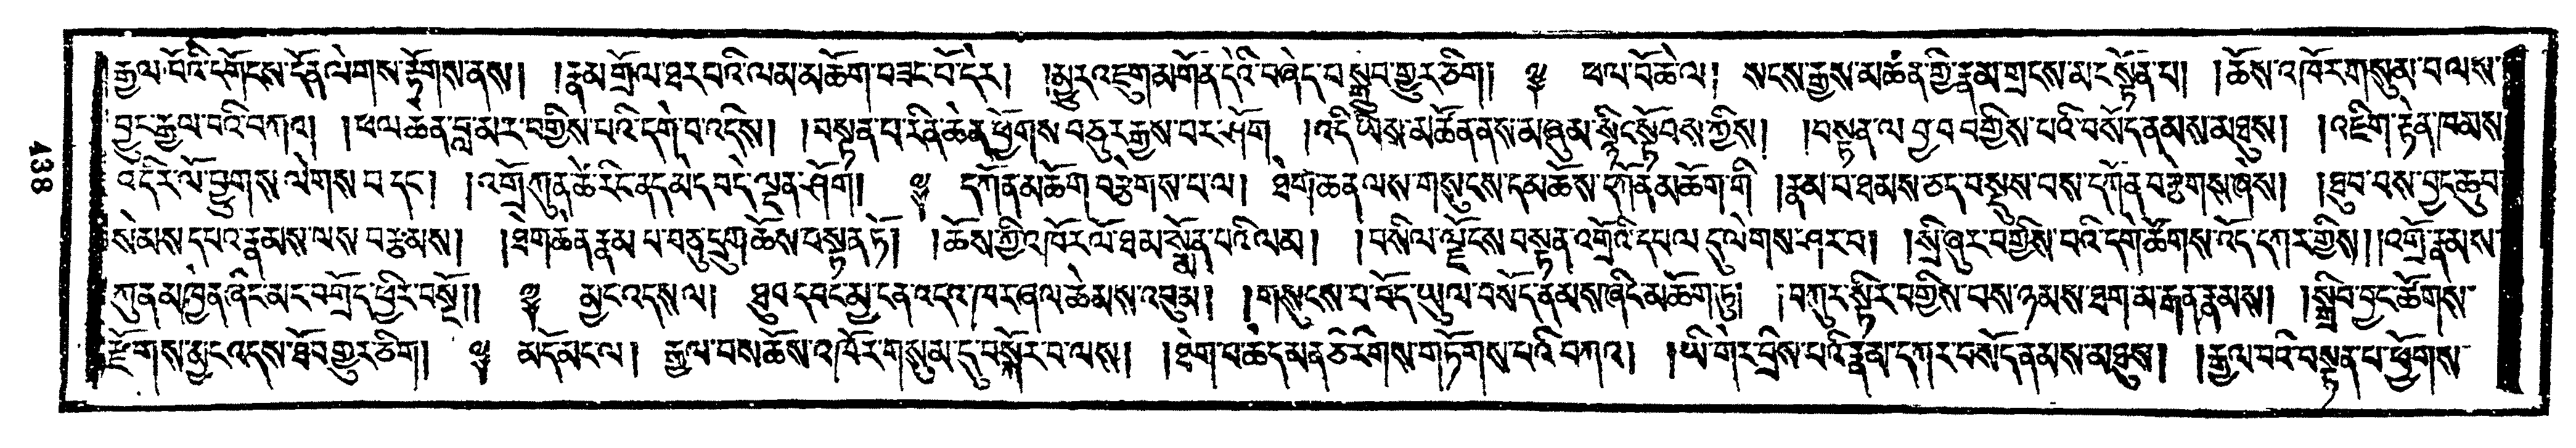རྒྱལ་བོའི་དགོངས་དོན་ལེགས་རྟོགས་ནས། །རྣམ་གྲོལ་ཐར་པའི་ལམ་མཆོག་བཟང་པོ་དེར། །མྱུར་འཇུག་མགོན་དེའི་བཞེད་པ་སྒྲུབ་གྱུར་ཅིག། ༈ ཕལ་བོ་ཆེ་ལ། སངས་རྒྱས་མཚན་གྱི་རྣམ་གྲངས་མང་སྟོན་པ། །ཆོས་འཁོར་གསུམ་བ་ལས་
བྱུང་རྒྱལ་བའི་བཀའ། །ཕལ་ཆེན་བླ་མར་བགྱིས་པའི་དགེ་བ་འདིས། །བསྟན་པ་རིན་ཆེན་ཕྱོགས་བཅུར་རྒྱས་པར་ཤོག །འདི་ཡིས་མཚོན་ནས་མྮུམ་སྙིང་སྟོབས་ཀྱིས། །བསྟན་ལ་བྱ་བ་བགྱིས་པའི་བསོད་ནམས་མཐུས། །འཇིག་རྟེན་ཁམས་
འདིར་ལོ་བྱུགས་ལེགས་པ་དང་། །འགྲོ་ཀུན་ཚེ་རིང་ནད་མེད་བདེ་ལྡན་ཤོག། ༈ དཀོན་མཆོག་བརྩེགས་པ་ལ། ཐེག་ཆན་ལས་གསུངས་དམ་ཆོས་དཀོན་མཆོག་གི །རྣམ་བ་ཐམས་ཅད་བསྡུས་བས་དཀོན་བརྩེགས་ཞེས། །ཐུབ་བས་བྱང་ཆུབ་
སེམས་དཔའ་རྣམས་ལས་བརྩམས། །ཐེག་ཆེན་རྣམ་པ་བཅུ་དྲུག་ཆོས་བསྟན་ཏོ། །ཆོས་ཀྱི་འཁོར་ལོ་ཐ་མ་སྨོན་པའི་ལམ། །བསིལ་ལྗོངས་བསྟན་འགྲོའི་དཔལ་དུ་ལེགས་ཤར་བ། །སྲི་ཞུར་བགྱིས་བའི་དགེ་ཚོགས་འོད་དཀར་གྱིས། །འགྲོ་རྣམས་
ཀུན་མཁྱེན་ཞིང་མང་བགྲོད་ཕྱིར་བསྔོ།། ༈ མྱང་འདས་ལ། ཐུབ་དབང་མྱ་ངན་འདའ་ཁར་ཞལ་ཆེམས་འབུམ། །གསུངས་པ་བོད་ཡུལ་བསོད་ནམས་ཞིང་མཆོག་ཏུ། །བཀུར་སྟིར་བགྱིས་བས་ཉམས་ཐག་མ་རྒན་རྣམས། །སྒྲིབ་བྱང་ཚོགས་
རྫོགས་མྱང་འདས་ཐོབ་གྱུར་ཅིག། ༈ མདོ་མང་ལ། རྒྱལ་བས་ཆོས་འཁོར་གསུམ་དུ་བསྐོར་བ་ལས། །ཐེག་པ་ཆེད་མན་ཅི་རིགས་གཏོགས་པའི་བཀའ། །ཡི་གེར་བྲིས་པའི་རྣམ་དཀར་བསོད་ནམས་མཐུས། །རྒྱལ་བའི་བསྟན་པ་ཕྱོགས་